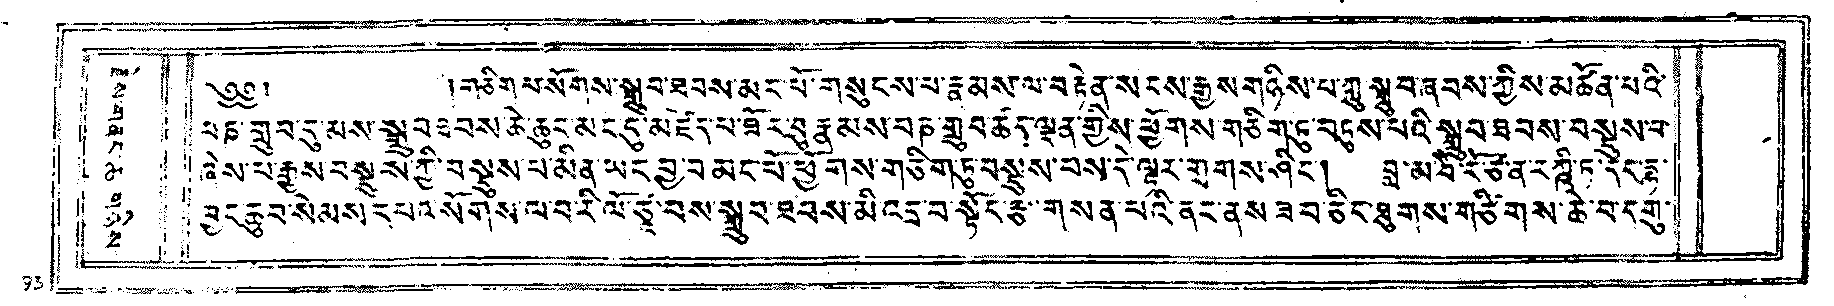༄༅། །གཅིག་པ་སོགས་སྒྲུབ་ཐབས་མང་པོ་གསུངས་པ་རྣམས་ལ་བརྟེན་སངས་རྒྱས་གཉིས་པ་ཀླུ་སྒྲུབ་ཞབས་ཀྱིས་མཚོན་པའི་
པཎ་གྲུབ་དུ་མས་སྒྲུབ་ཐབས་ཆེ་ཆུང་མང་དུ་མཛད་པ་ཐོར་བུ་རྣམས་པཎ་གྲུབ་ཚད་ལྡན་གྱིས་ཕྱོགས་གཅིག་ཏུ་བཏུས་པའི་སྒྲུབ་ཐབས་བསྡུས་པ་
ཞེས་པ་རྒྱས་བསྡུས་ཀྱི་བསྡུས་པ་མིན་ཡང་བྱ་བ་མང་པོ་ཕྱོགས་གཅིག་ཏུ་བསྡུས་པས་དེ་ལྟར་གྲགས་ཤིང་། བླ་མ་བཻ་རོ་ཙ་ན་རཀྵི་ཏ་དད་?་དྷ་
བྱང་ཆུབ་སེམས་དཔའ་སོགས་ལ་བ་རི་ལོ་ཙཱ་བས་སྒྲུབ་ཐབས་མི་འདྲ་བ་སྟོང་རྩ་གསན་པའི་ནང་ནས་ཟབ་ཅིང་ཐུགས་གཙིགས་ཆེ་བ་དགུ་